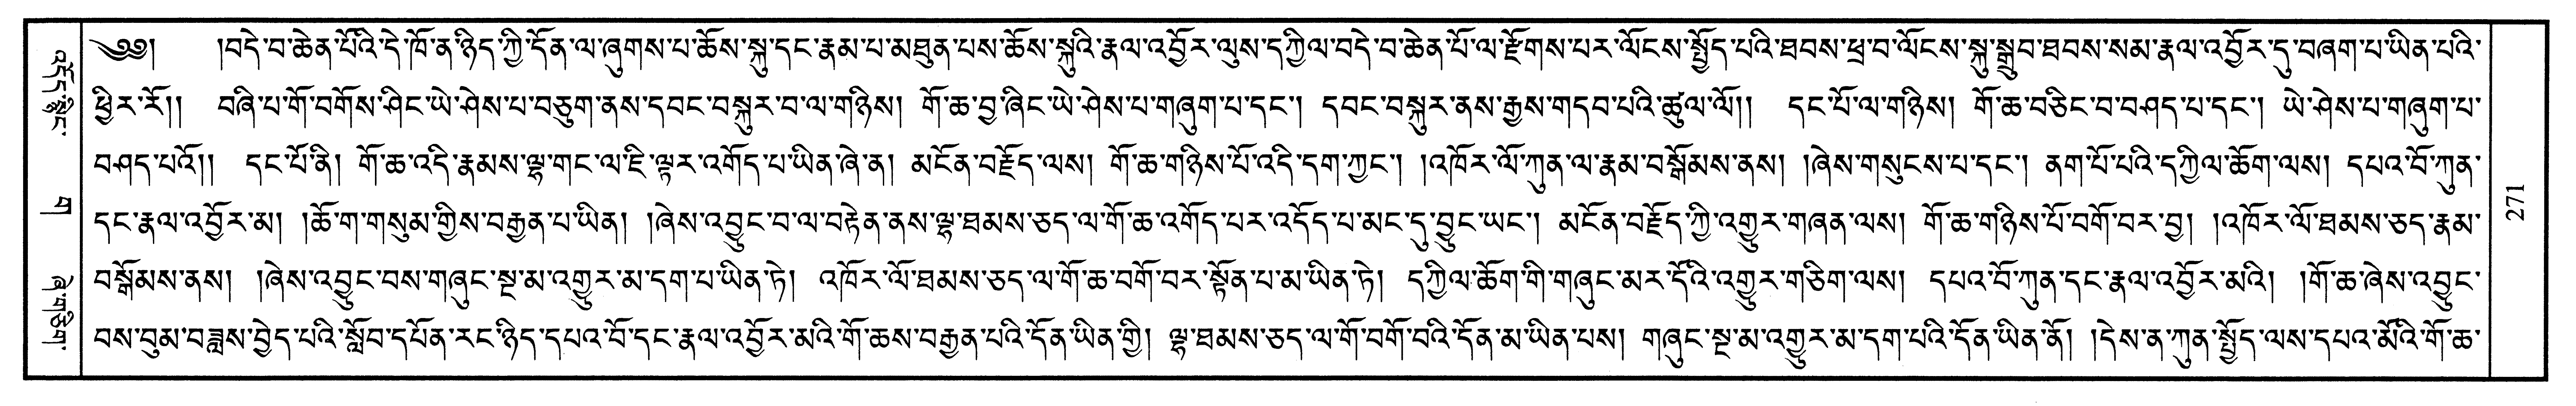༄༅། །བདེ་བ་ཆེན་པོའི་དེ་ཁོ་ན་ཉིད་ཀྱི་དོན་ལ་ཞུགས་པ་ཆོས་སྐུ་དང་རྣམ་པ་མཐུན་པས་ཆོས་སྐུའི་རྣལ་འབྱོར་ལུས་དཀྱིལ་བདེ་བ་ཆེན་པོ་ལ་རྫོགས་པར་ལོངས་སྤྱོད་པའི་ཐབས་ཕྲ་བ་ལོངས་སྐུ་སྒྲུབ་ཐབས་སམ་རྣལ་འབྱོར་དུ་བཞག་པ་ཡིན་པའི་
ཕྱིར་རོ།། བཞི་པ་གོ་བགོས་ཤིང་ཡེ་ཤེས་པ་བཅུག་ནས་དབང་བསྐུར་བ་ལ་གཉིས། གོ་ཆ་བྱ་ཞིང་ཡེ་ཤེས་པ་གཞུག་པ་དང་། དབང་བསྐུར་ནས་རྒྱས་གདབ་པའི་ཚུལ་ལོ།། དང་པོ་ལ་གཉིས། གོ་ཆ་བཅིང་བ་བཤད་པ་དང་། ཡེ་ཤེས་པ་གཞུག་པ་
བཤད་པའོ།། དང་པོ་ནི། གོ་ཆ་འདི་རྣམས་ལྷ་གང་ལ་ཇི་ལྟར་འགོད་པ་ཡིན་ཞེ་ན། མངོན་བརྗོད་ལས། གོ་ཆ་གཉིས་པོ་འདི་དག་ཀྱང་། །འཁོར་ལོ་ཀུན་ལ་རྣམ་བསྒོམས་ནས། །ཞེས་གསུངས་པ་དང་། ནག་པོ་པའི་དཀྱིལ་ཆོག་ལས། དཔའ་བོ་ཀུན་
དང་རྣལ་འབྱོར་མ། །ཆོ་ག་གསུམ་གྱིས་བརྒྱན་པ་ཡིན། །ཞེས་འབྱུང་བ་ལ་བརྟེན་ནས་ལྷ་ཐམས་ཅད་ལ་གོ་ཆ་འགོད་པར་འདོད་པ་མང་དུ་བྱུང་ཡང་། མངོན་བརྗོད་ཀྱི་འགྱུར་གཞན་ལས། གོ་ཆ་གཉིས་པོ་བགོ་བར་བྱ། །འཁོར་ལོ་ཐམས་ཅད་རྣམ་
བསྒོམས་ནས། །ཞེས་འབྱུང་བས་གཞུང་སྔ་མ་འགྱུར་མ་དག་པ་ཡིན་ཏེ། འཁོར་ལོ་ཐམས་ཅད་ལ་གོ་ཆ་བགོ་བར་སྟོན་པ་མ་ཡིན་ཏེ། དཀྱིལ་ཆོག་གི་གཞུང་མར་དོའི་འགྱུར་གཅིག་ལས། དཔའ་བོ་ཀུན་དང་རྣལ་འབྱོར་མའི། །གོ་ཆ་ཞེས་འབྱུང་
བས་བུམ་བཟླས་བྱེད་པའི་སློབ་དཔོན་རང་ཉིད་དཔའ་བོ་དང་རྣལ་འབྱོར་མའི་གོ་ཆས་བརྒྱན་པའི་དོན་ཡིན་གྱི། ལྷ་ཐམས་ཅད་ལ་གོ་བགོ་བའི་དོན་མ་ཡིན་པས། གཞུང་སྔ་མ་འགྱུར་མ་དག་པའི་དོན་ཡིན་ནོ། །དེས་ན་ཀུན་སྤྱོད་ལས་དཔའ་མོའི་གོ་ཆ་